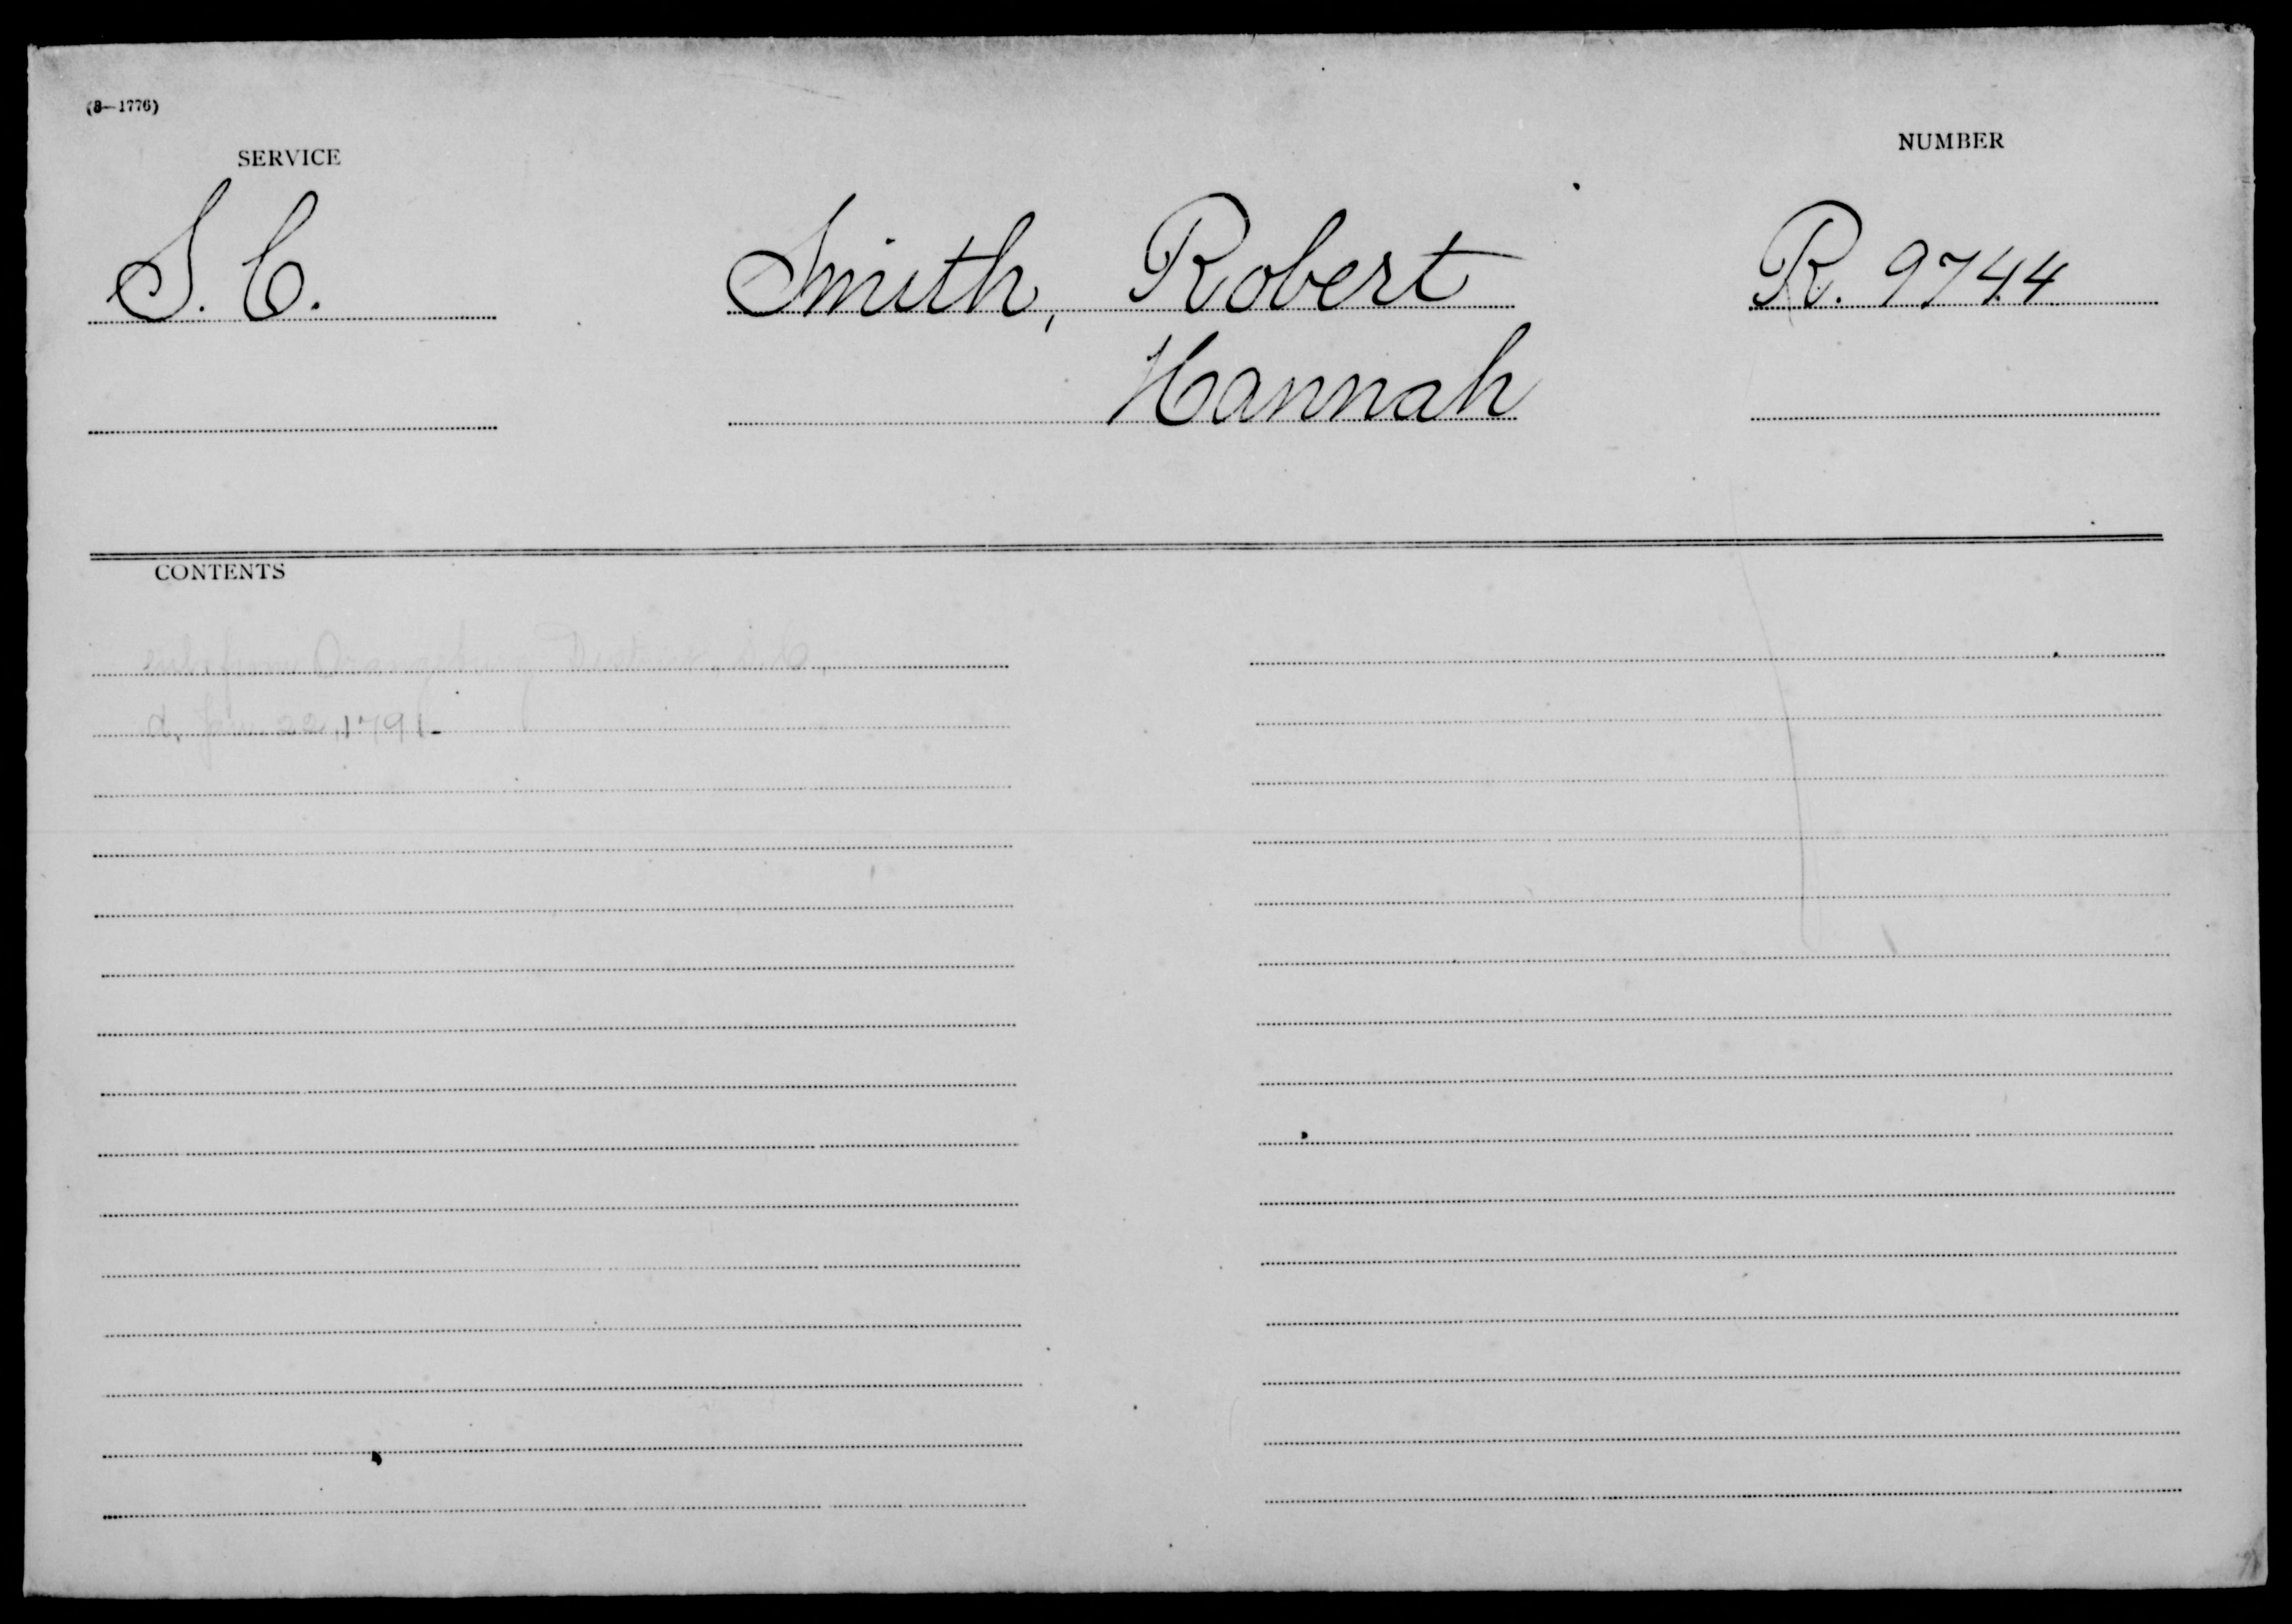(3-1776)
SERVICE
S.C.
Smith, Robert
Hannah
NUMBER
R. 9744
CONTENTS
enl. from Orangeburg District, S.C.
d. Jan 22, 1791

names: [BLANK]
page: 1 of 28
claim: rejected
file: R. 9744, for Robert Smith, South Carolina